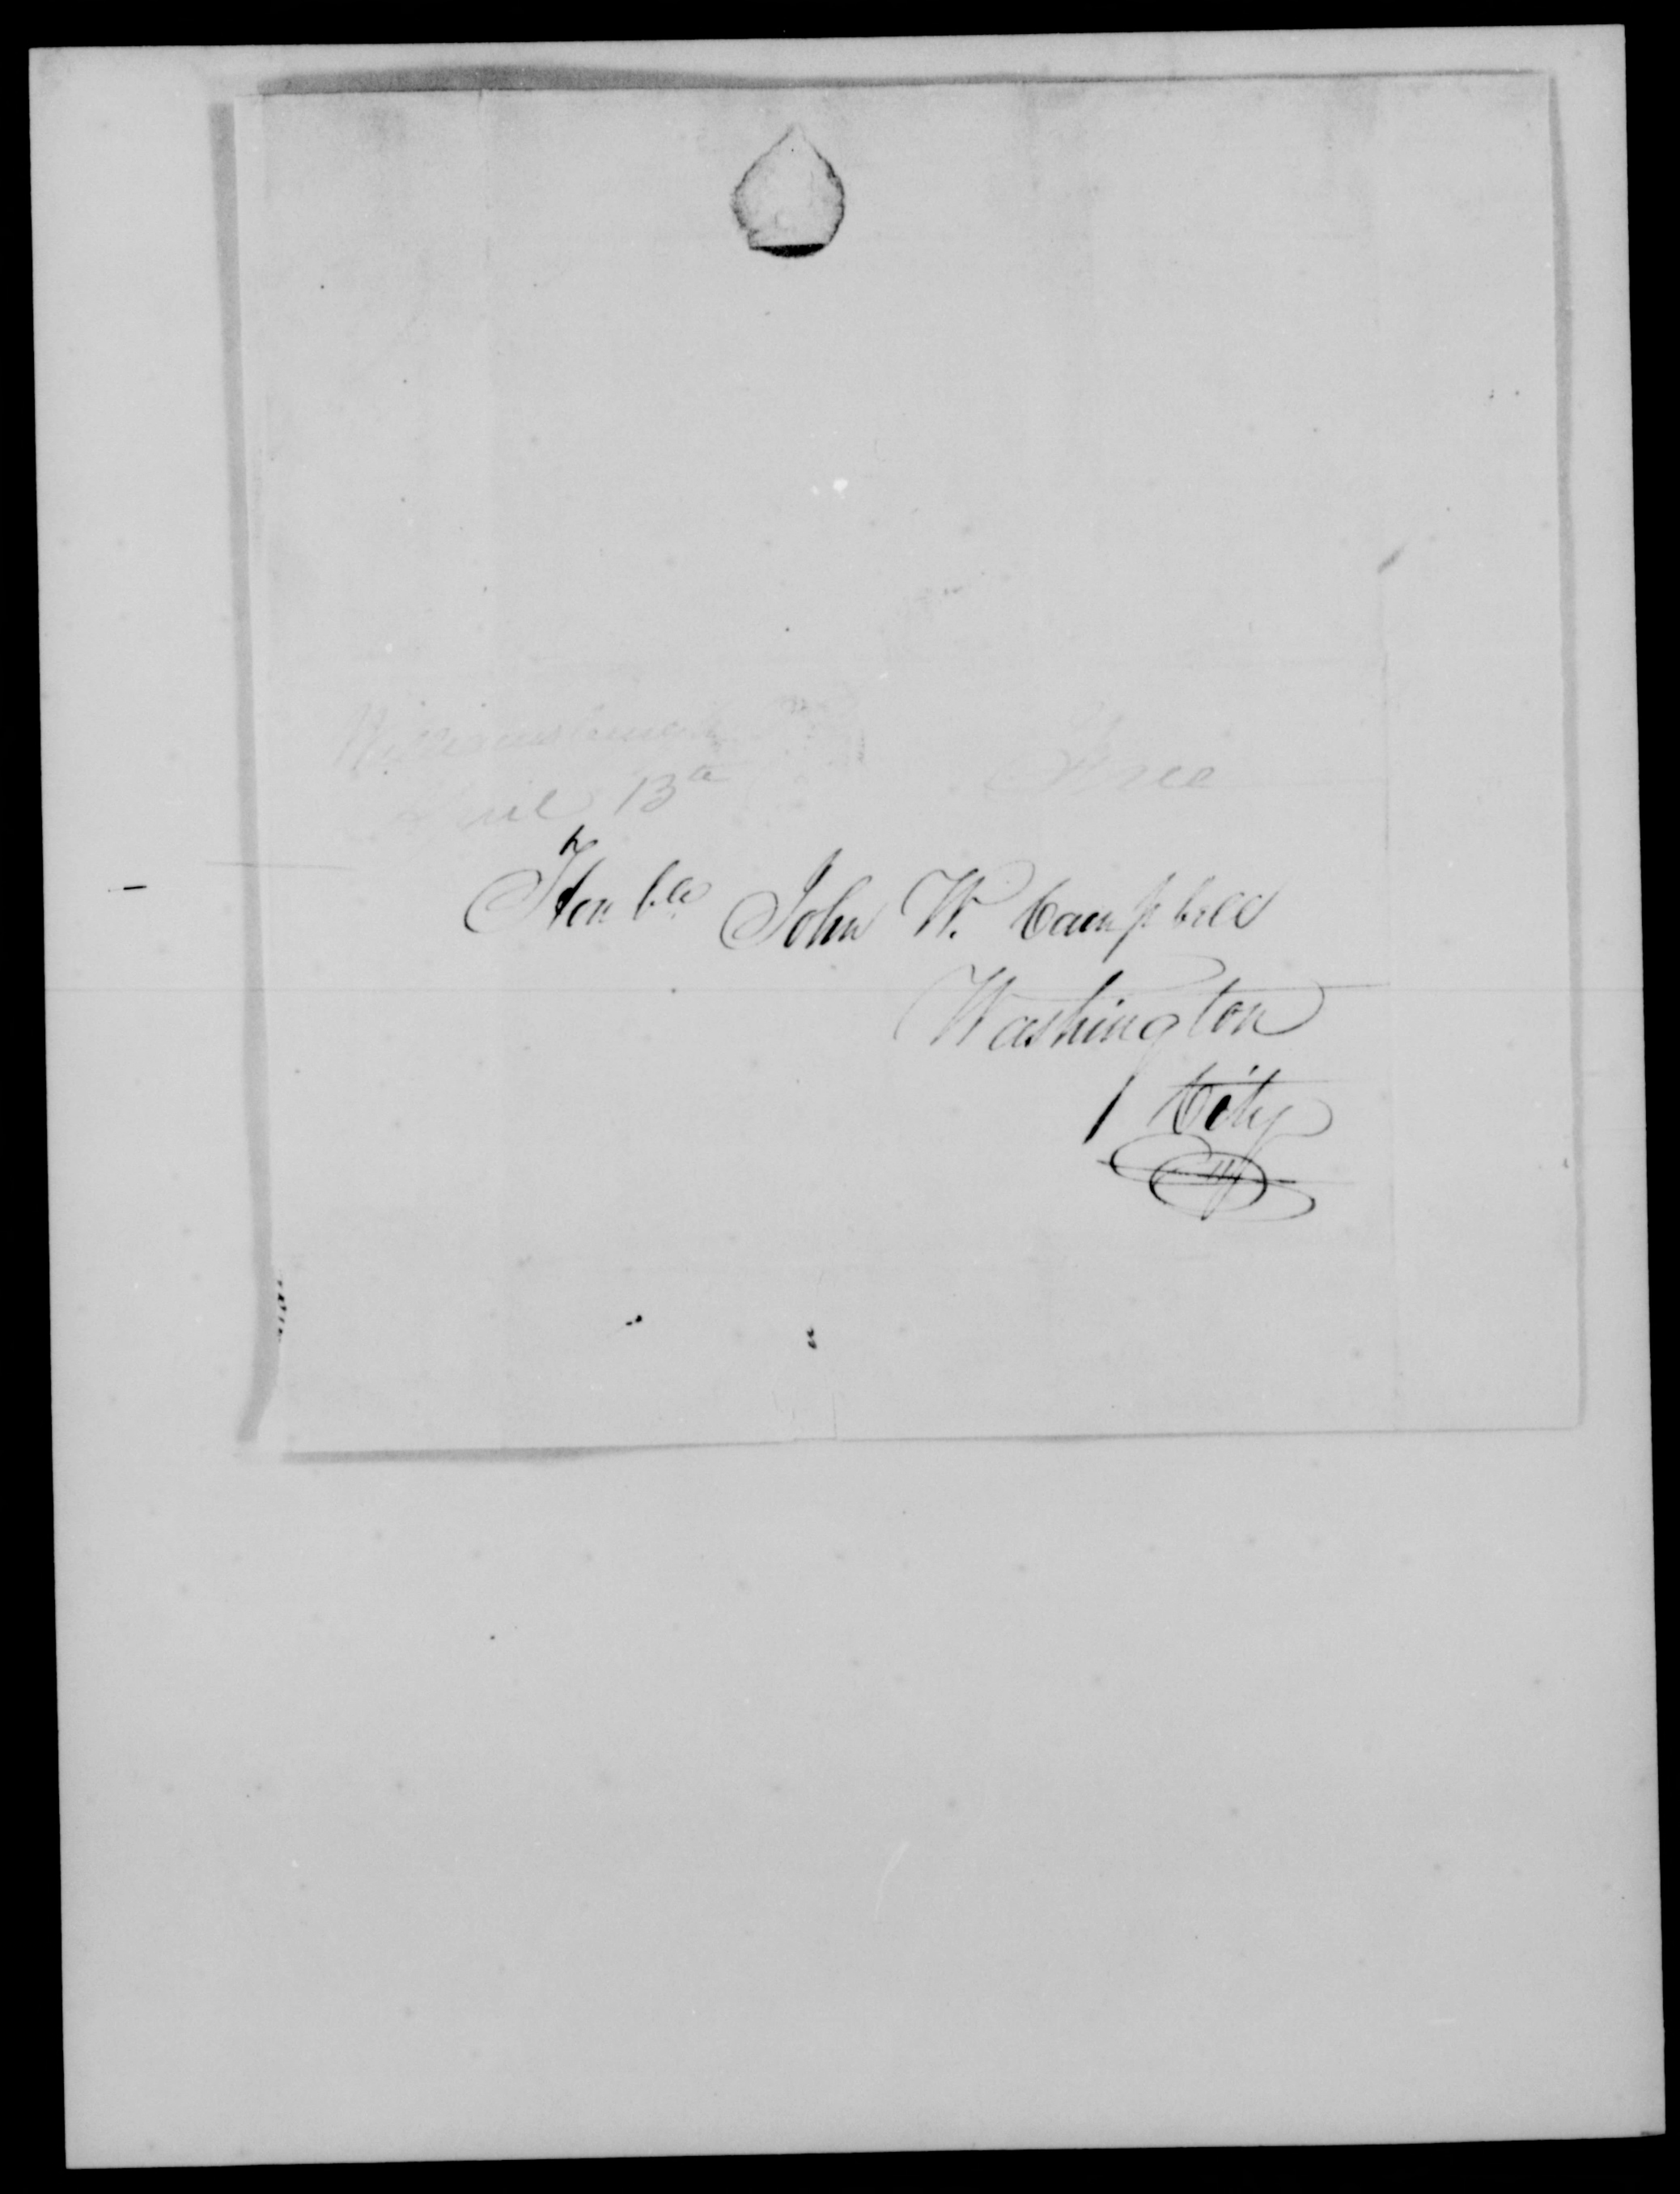Williamsburgh [illegible] April 13th Free 
Honble John W. Campbell Washington City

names: John W Campbell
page: 36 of 66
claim: survivor's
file: S 40458, for Obadiah Smith, New York